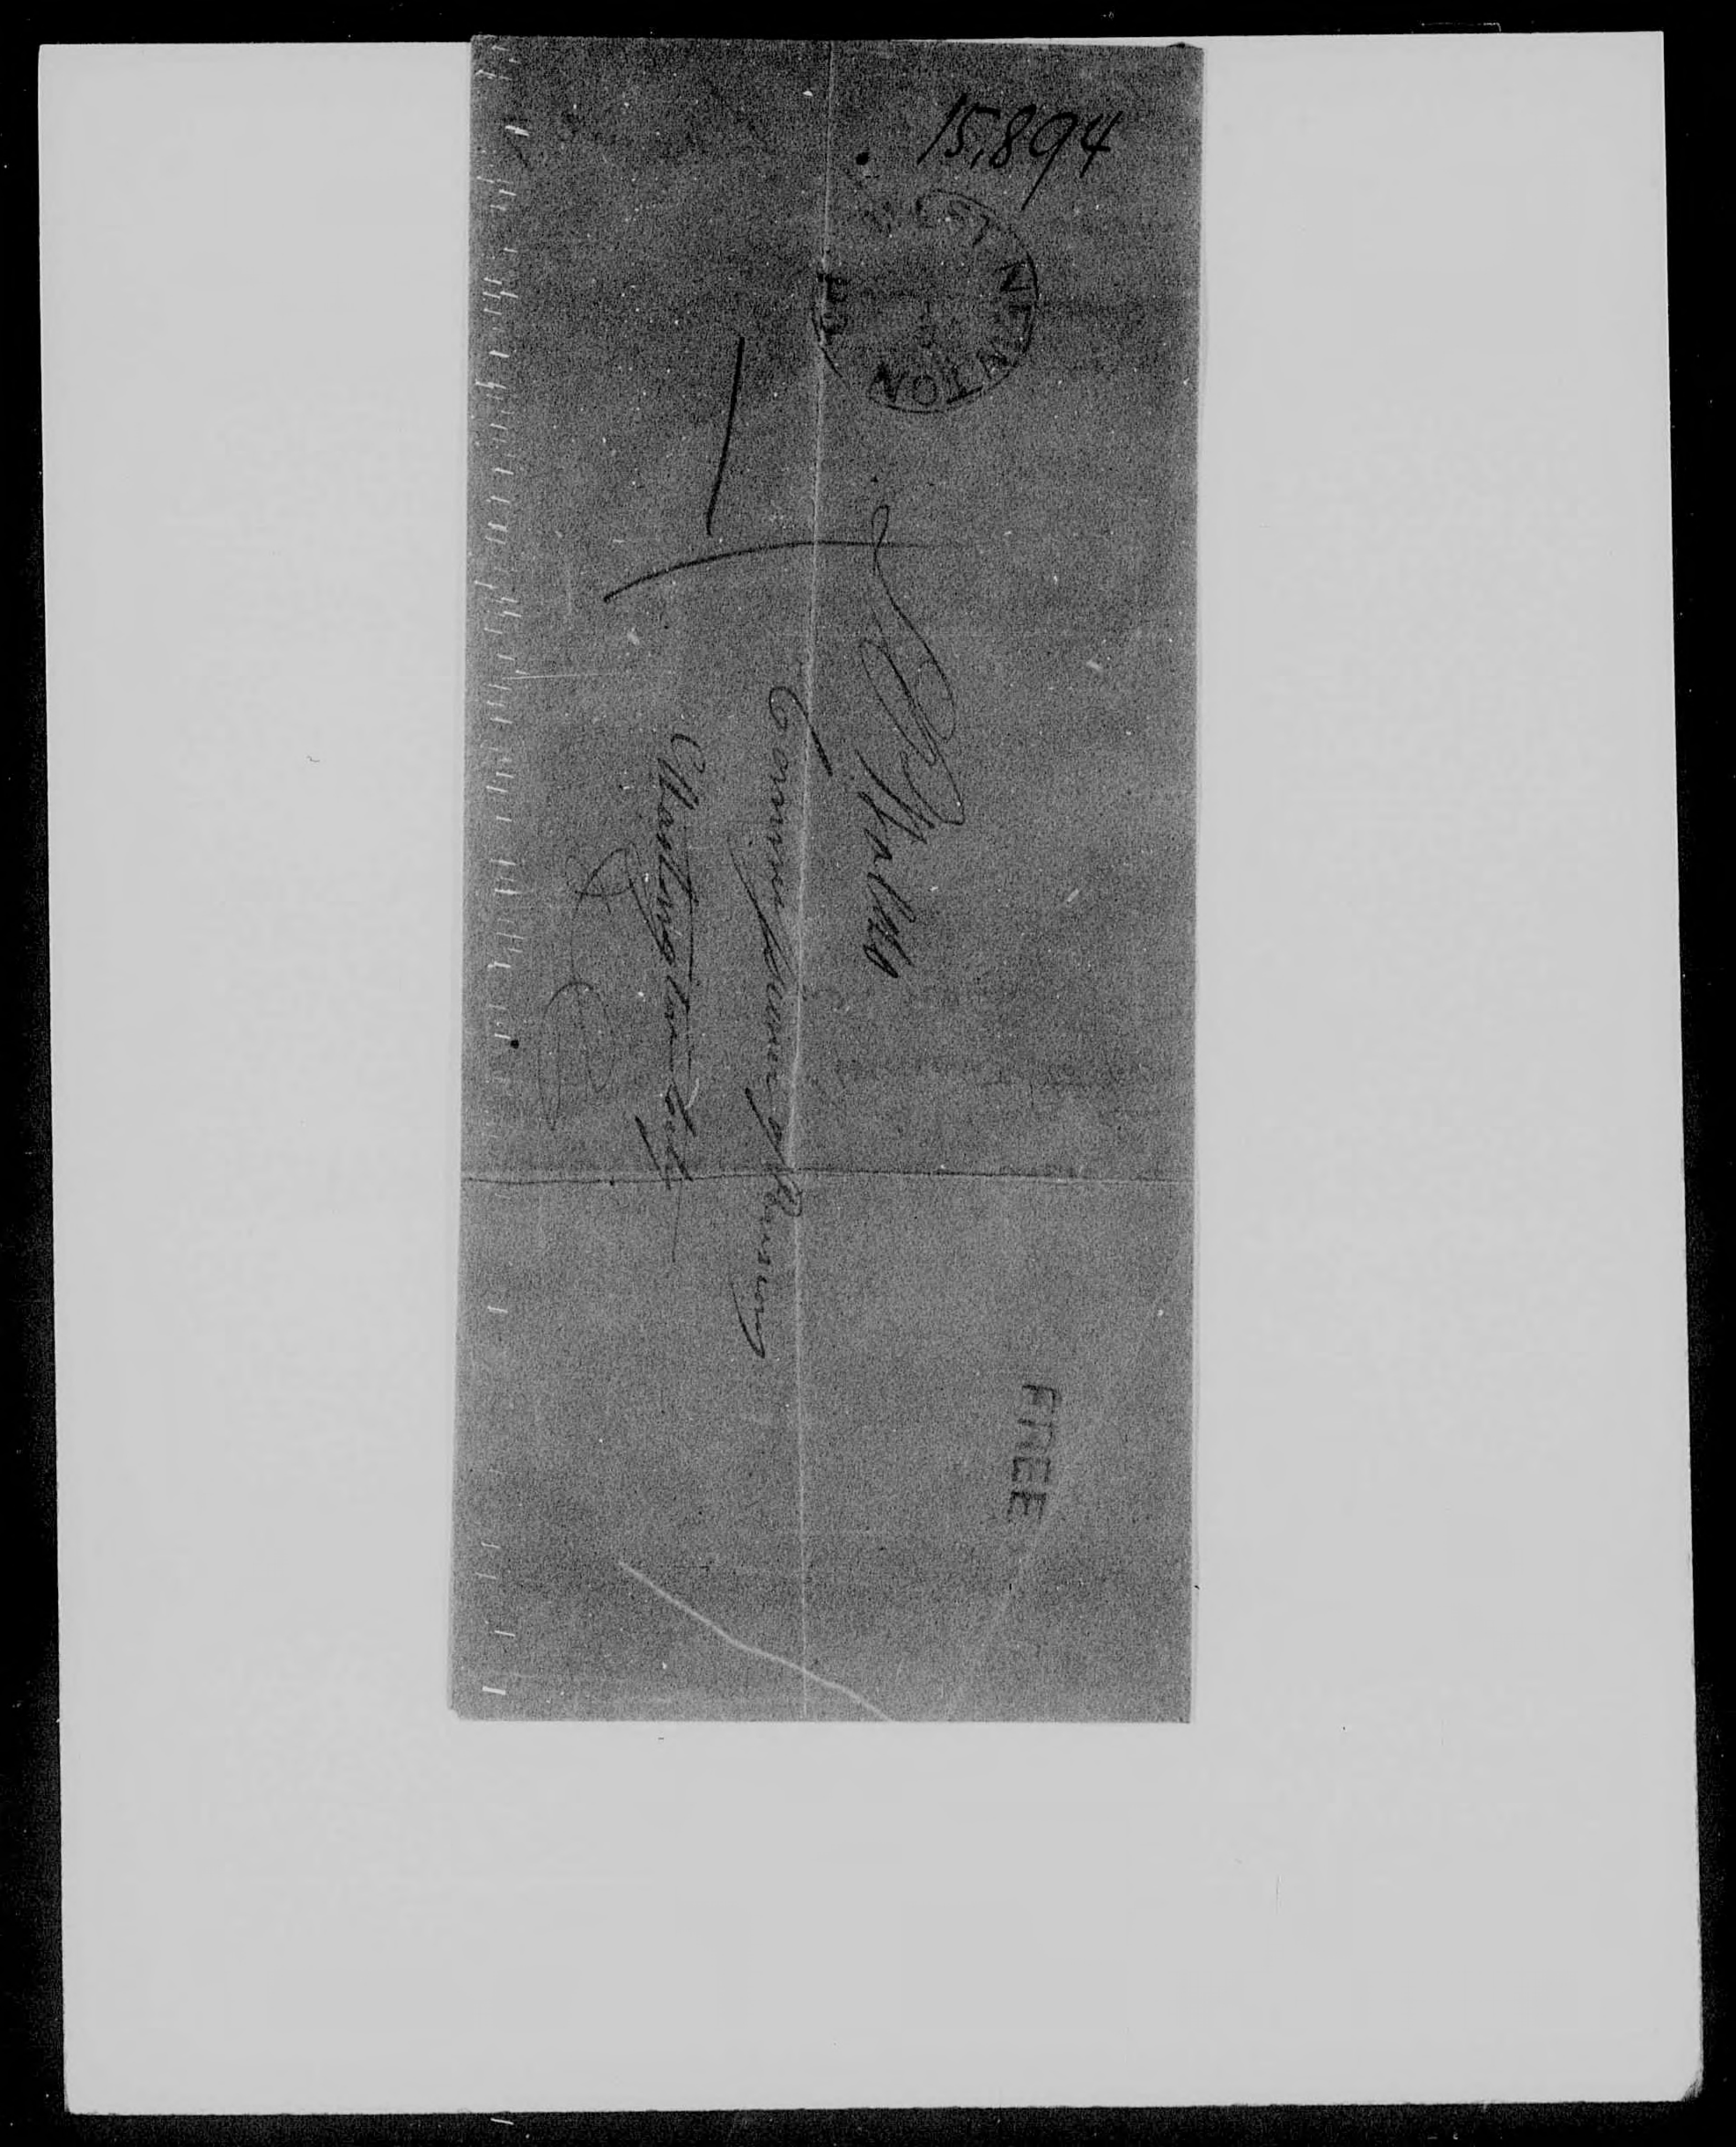[envelope]
15.894
[round stamp] 
West Newton PA

L P Waldo
Commissioner of Pensions
Washington County

FREE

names: L P Waldo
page: 70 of 92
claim: widow's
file: W 1173, Robert Hamill, Penn.